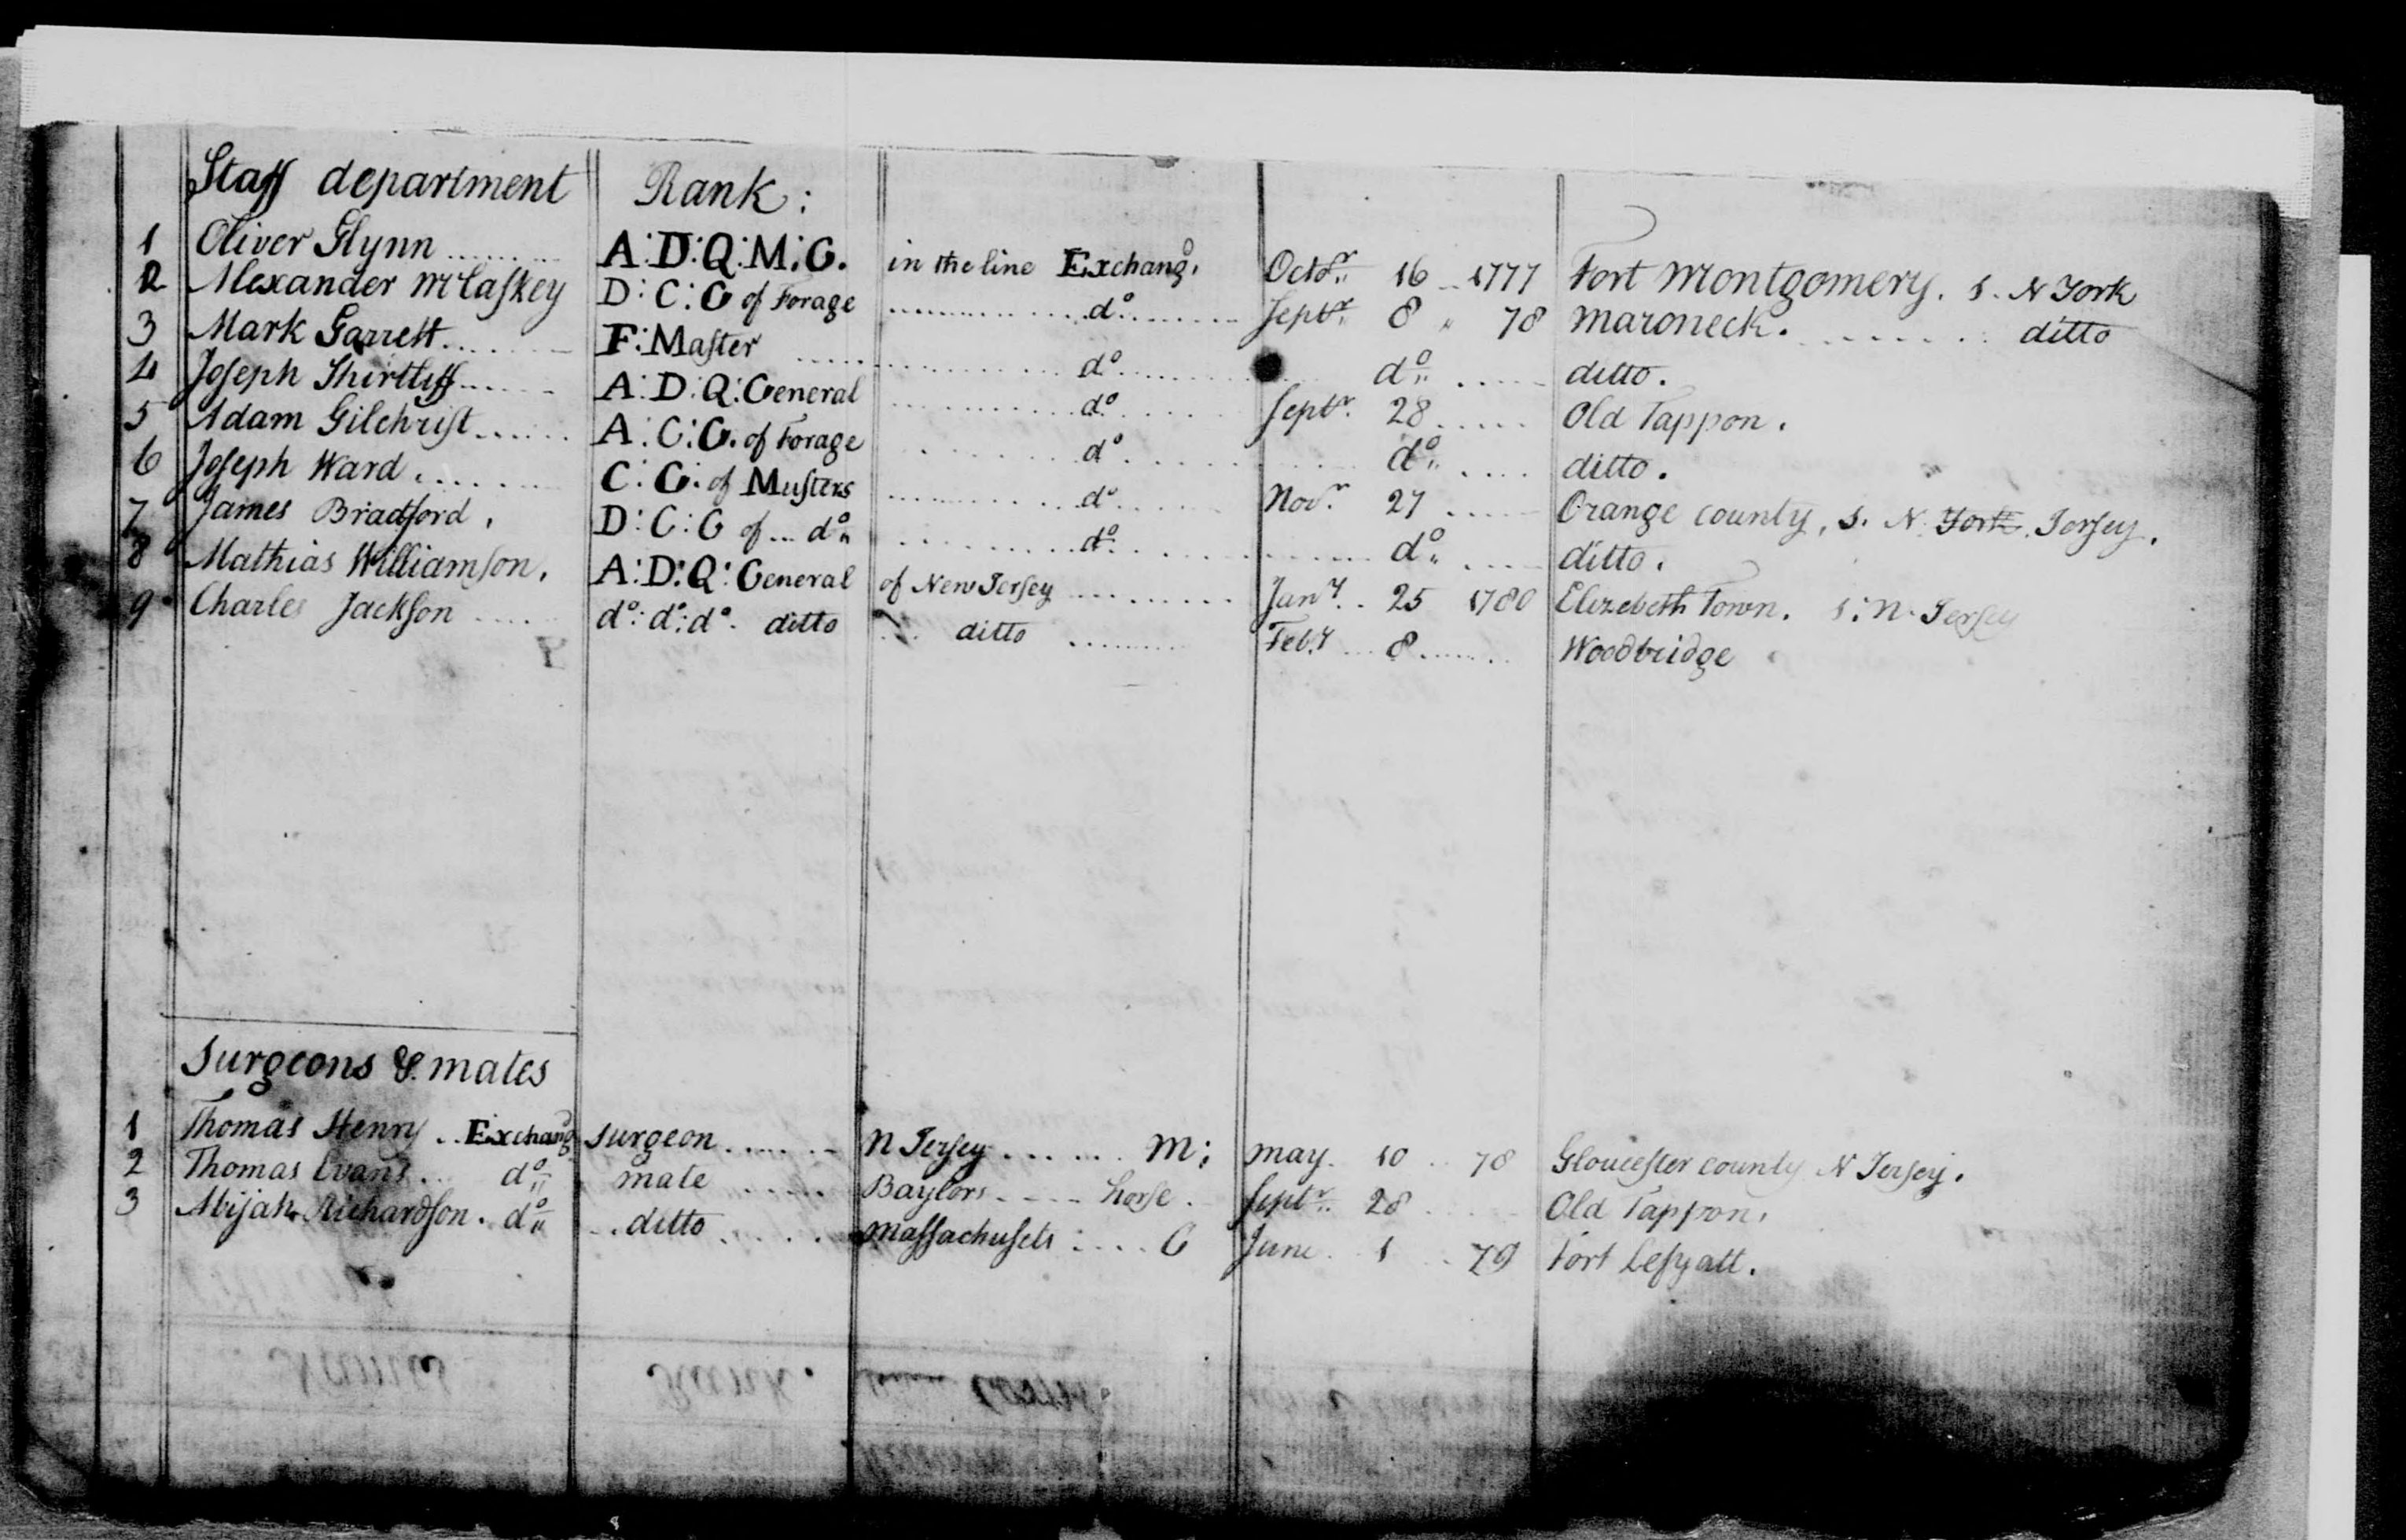Staff department | Rank: 
1 | Oliver Glenn | A:D:Q:M:G. | in the line Exchangd. | Octor 16 1777 | Fort Montgomery, S. N York.
2 | Alexander McCaskey | D:C: G of Forage | do" | Septr 8 78 | Maroneck. ditto.
3 | Mark Garrett | F: Master | do" | do" | ditto.
4 | Joseph Shirtleff | A:D:Q: General | do" | Septr 28 | Old Tappon. 
5 | Adam Gilchrist | A:C:G. of Forage | do" | do" | ditto. 
6 | Joseph Ward | C:G: of Masters | do" | Novr 27 | Orange county, S. N [york is stuck thru] Jersey. 
7 | James Bradford | D:C:G of do" | do" | do" ditto. 
8 | Mathias Williamson | A:D:Q: General | of New Jersey | Jany 25 1780 | Elizebethtown, S: N. Jersey.
9 | Charles Jackson | Do:do:do. ditto | ditto | Feby 8 | Woodbridge. 

Surgeons & mates

1| Thomas Henry Exchangd | surgeon | N Jersey M: | May 10 78 | Gloucester county N Jersey. 
2 | Thomas Evans do" | mate | Baylors horse | Septr 28 | Old Tappon. 
3 | Abijah Richardson do" | ditto | Massachusets C | June 1 79 | Fort Lefyatt.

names: Joseph Ward, Mathias Williamson, Thomas Henry, Adam Gilchrist, James Bradford, Alexander Mc Caskey, Oliver Glynn, Mark Garrett, Charles Jackson, Thomas Evans, Abijah Richardson, Joseph Shirtliff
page: 32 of 57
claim: survivor's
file: S. 2161, Hezekiah Davies, Penn